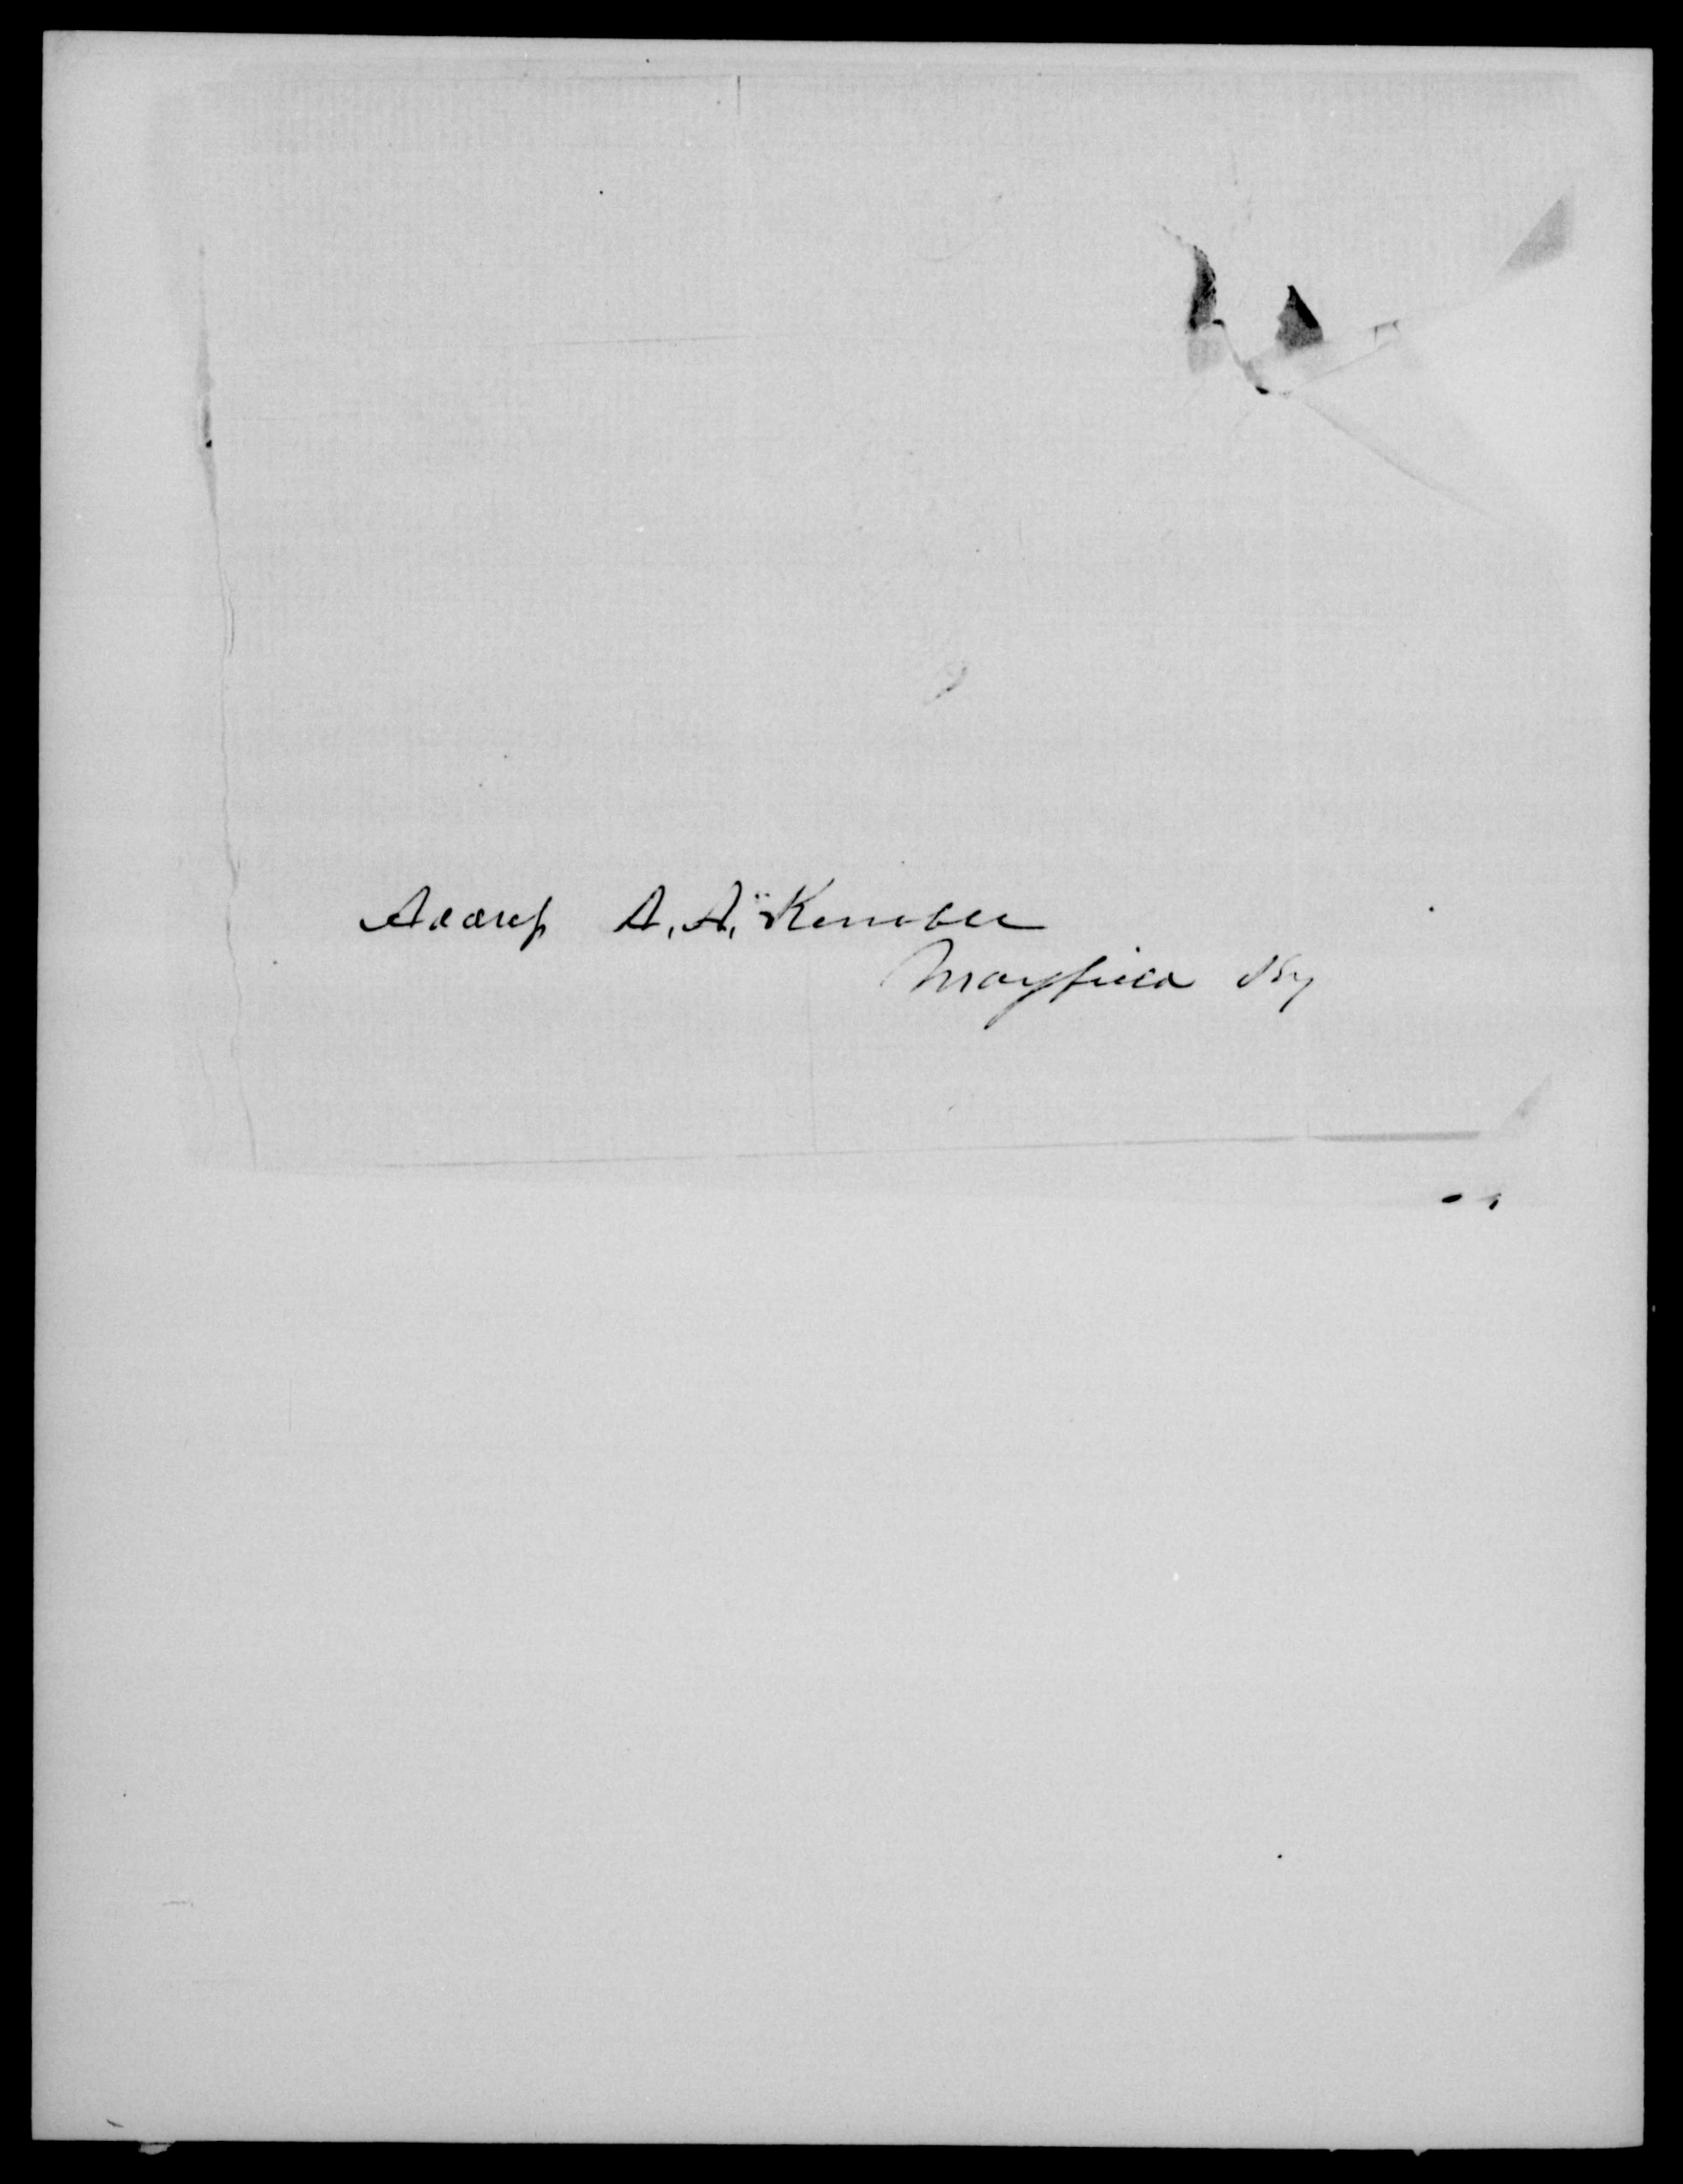Charlotte Tenn
Apl 23				s

A. A. Kemble
Mayfield, KY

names: A A Kemble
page: 47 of 61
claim: widow's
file: W. 11554, for John Stafford, Maryland